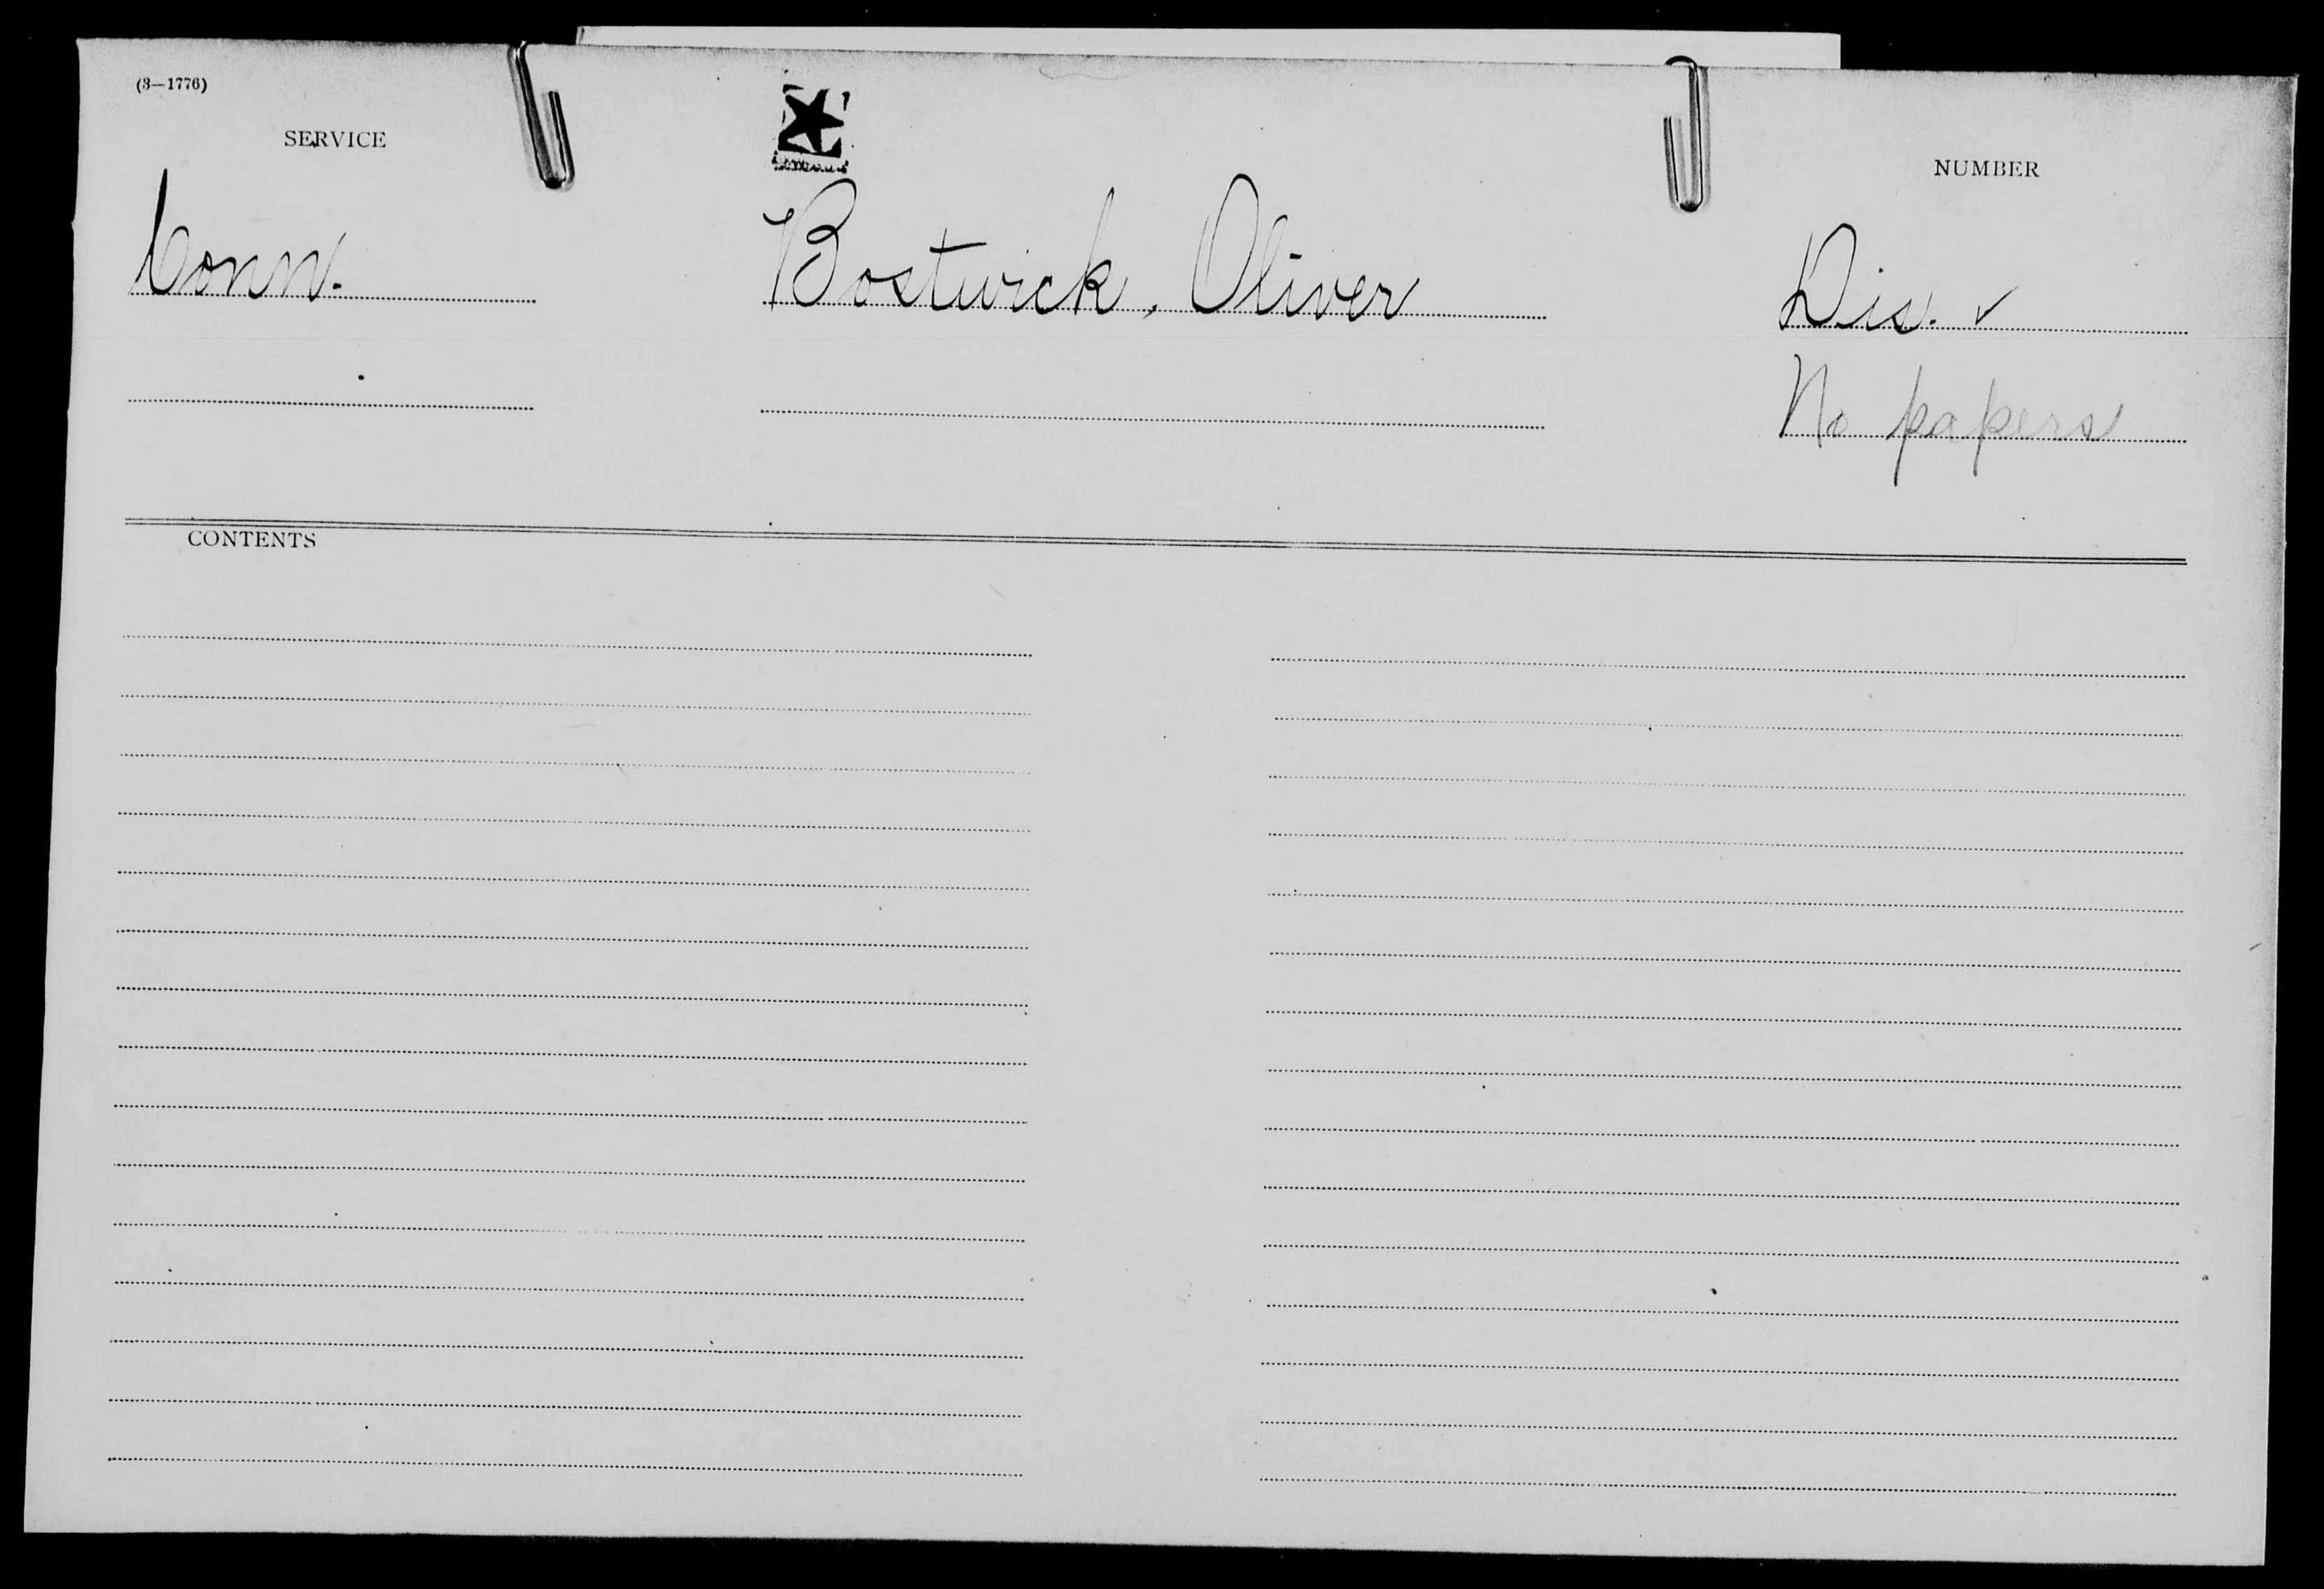(3 - 1776)
SERVICE                                                                                                                NUMBER
Conn                                         Bostwick, Oliver                                                  Dis. √
                                                                                                                             No papers
________________________________________________________________________________________________
CONTENTS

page: 1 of 3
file: [BLANK], Oliver Bostwick, Conn.